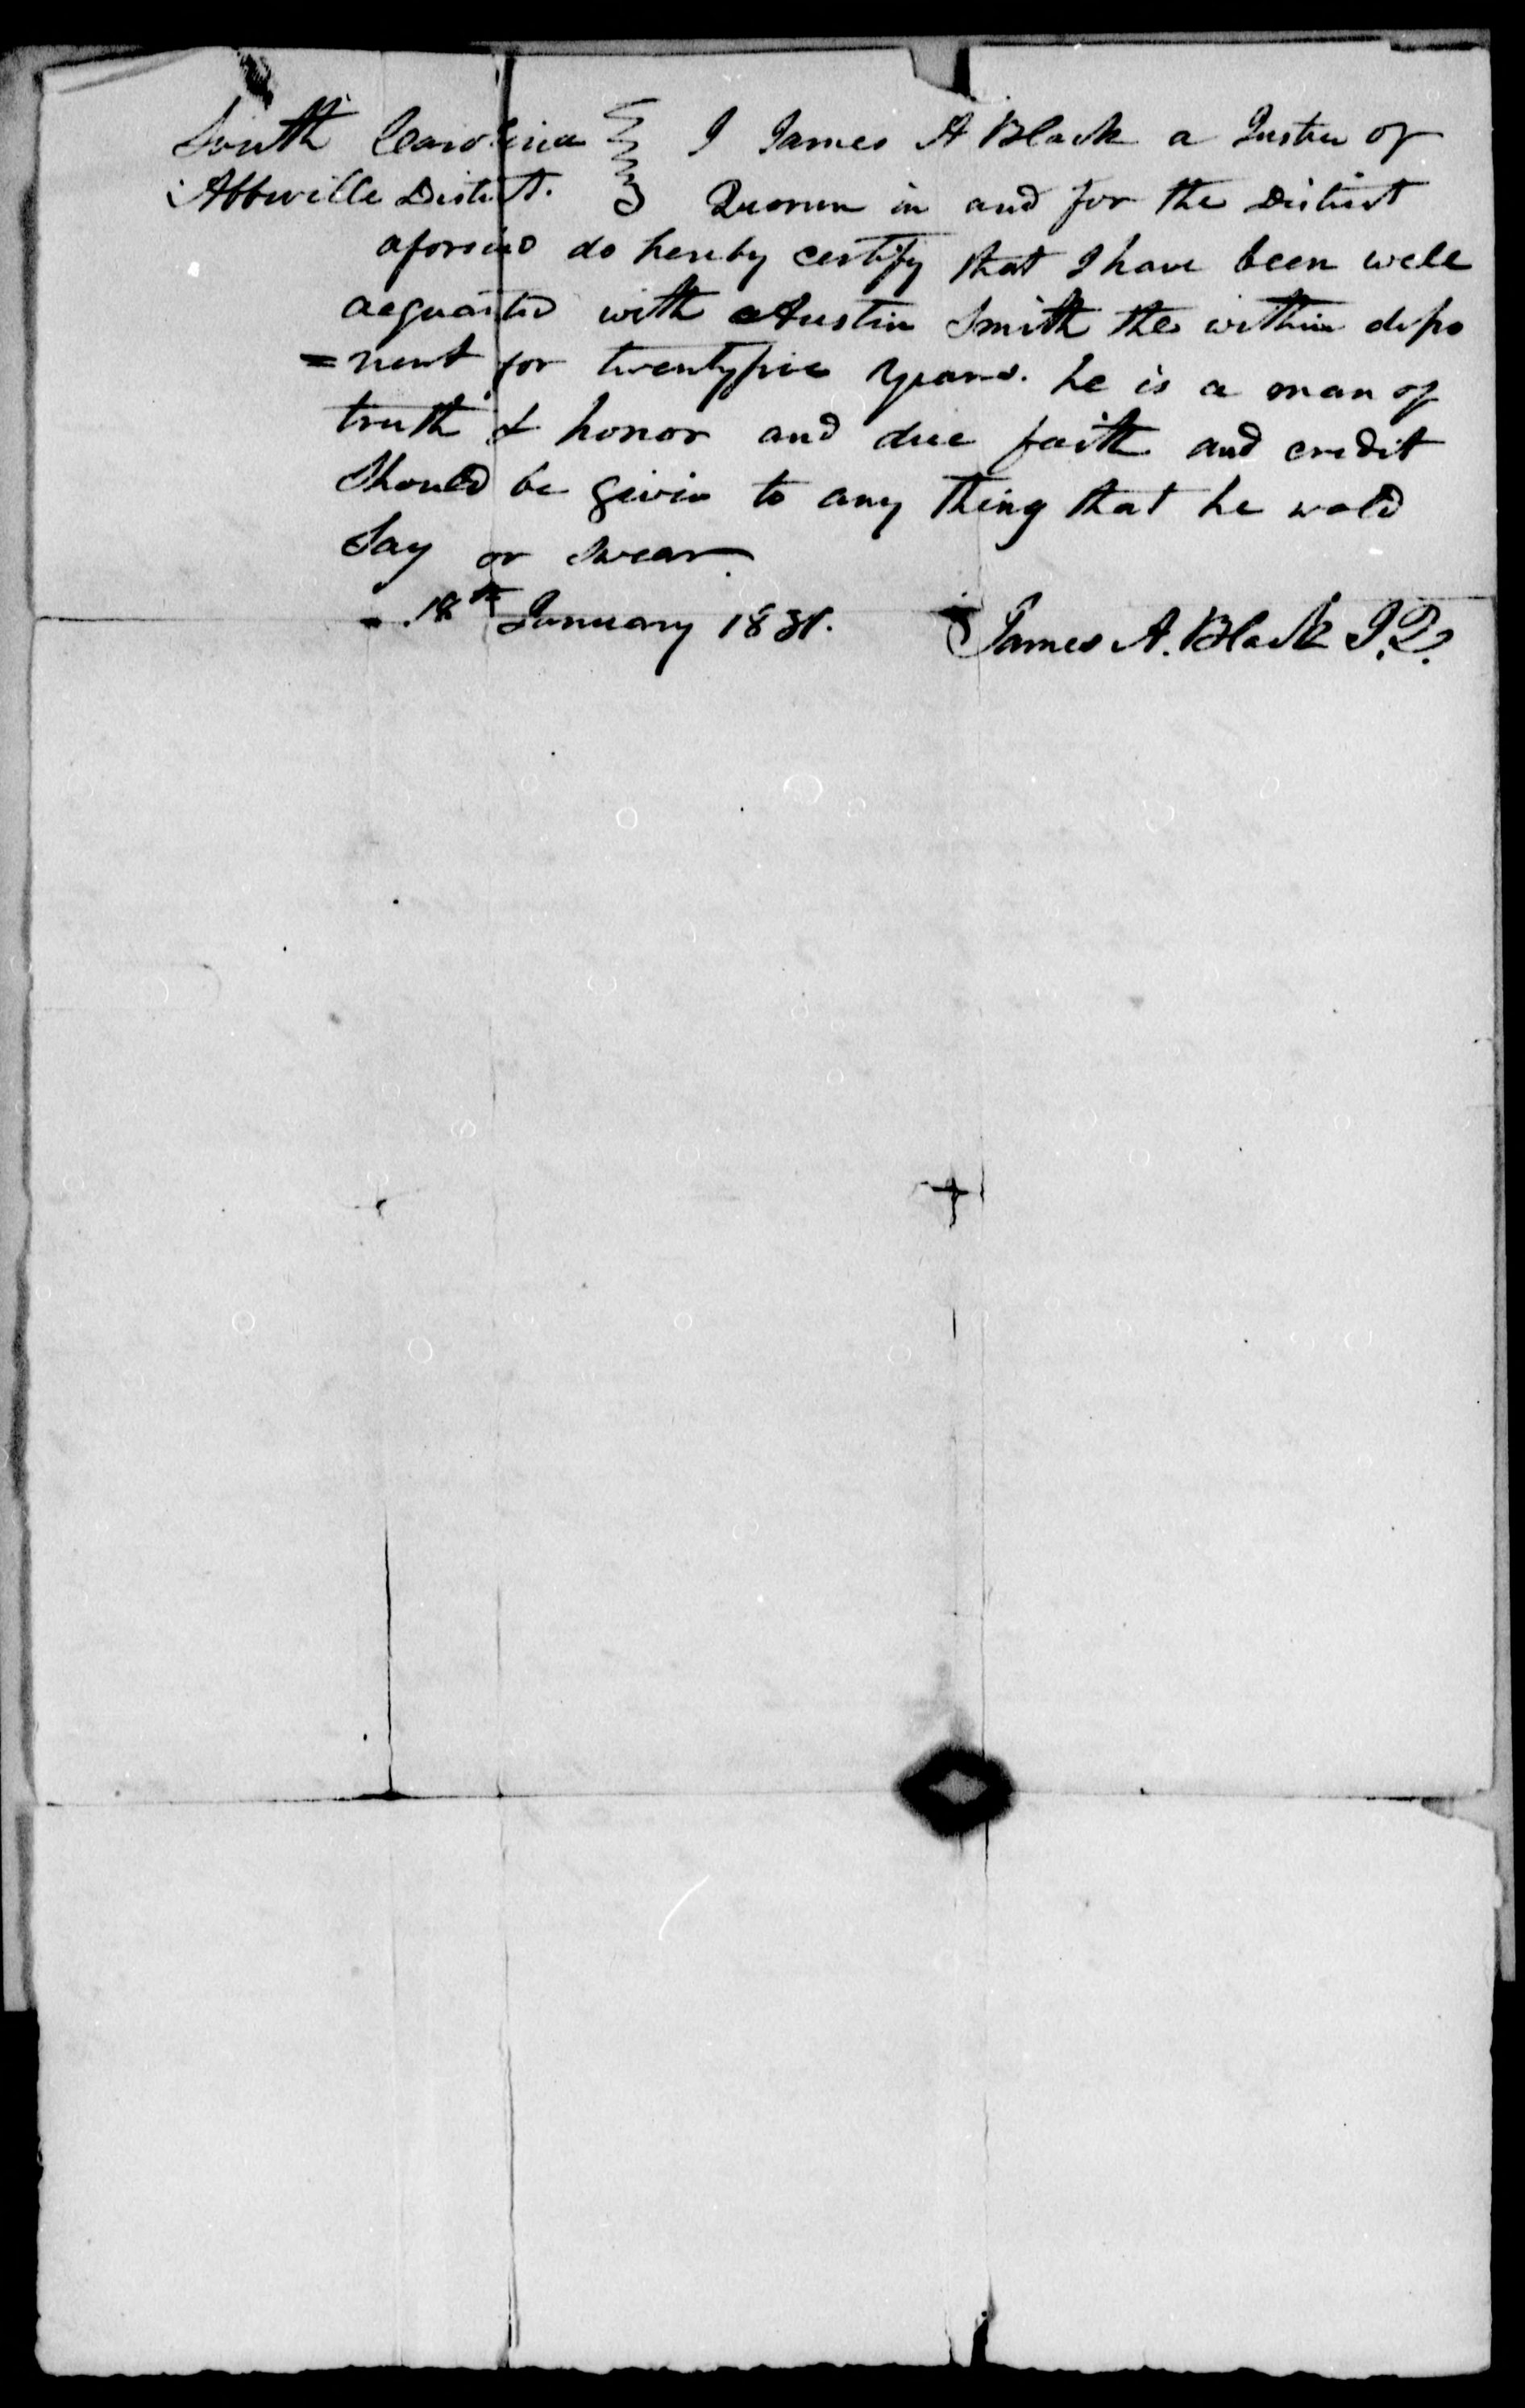South Carolina}
Abbeville District}
I James A. Black a Justice of Quorum in and for the District aforesaid do hereby certify that I have been well acquainted with Austin Smith the witness deponent for twentyfive years. he is a man of truth & honor and due faith and credit should be given to any thing that he wold Say or Swear.
18th January 1831.
James A. Black J. Q.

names: Austin Smith, James A Black, James A Black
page: 101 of 105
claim: survivor's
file: S. 1883, Richard Vernon, N.C.